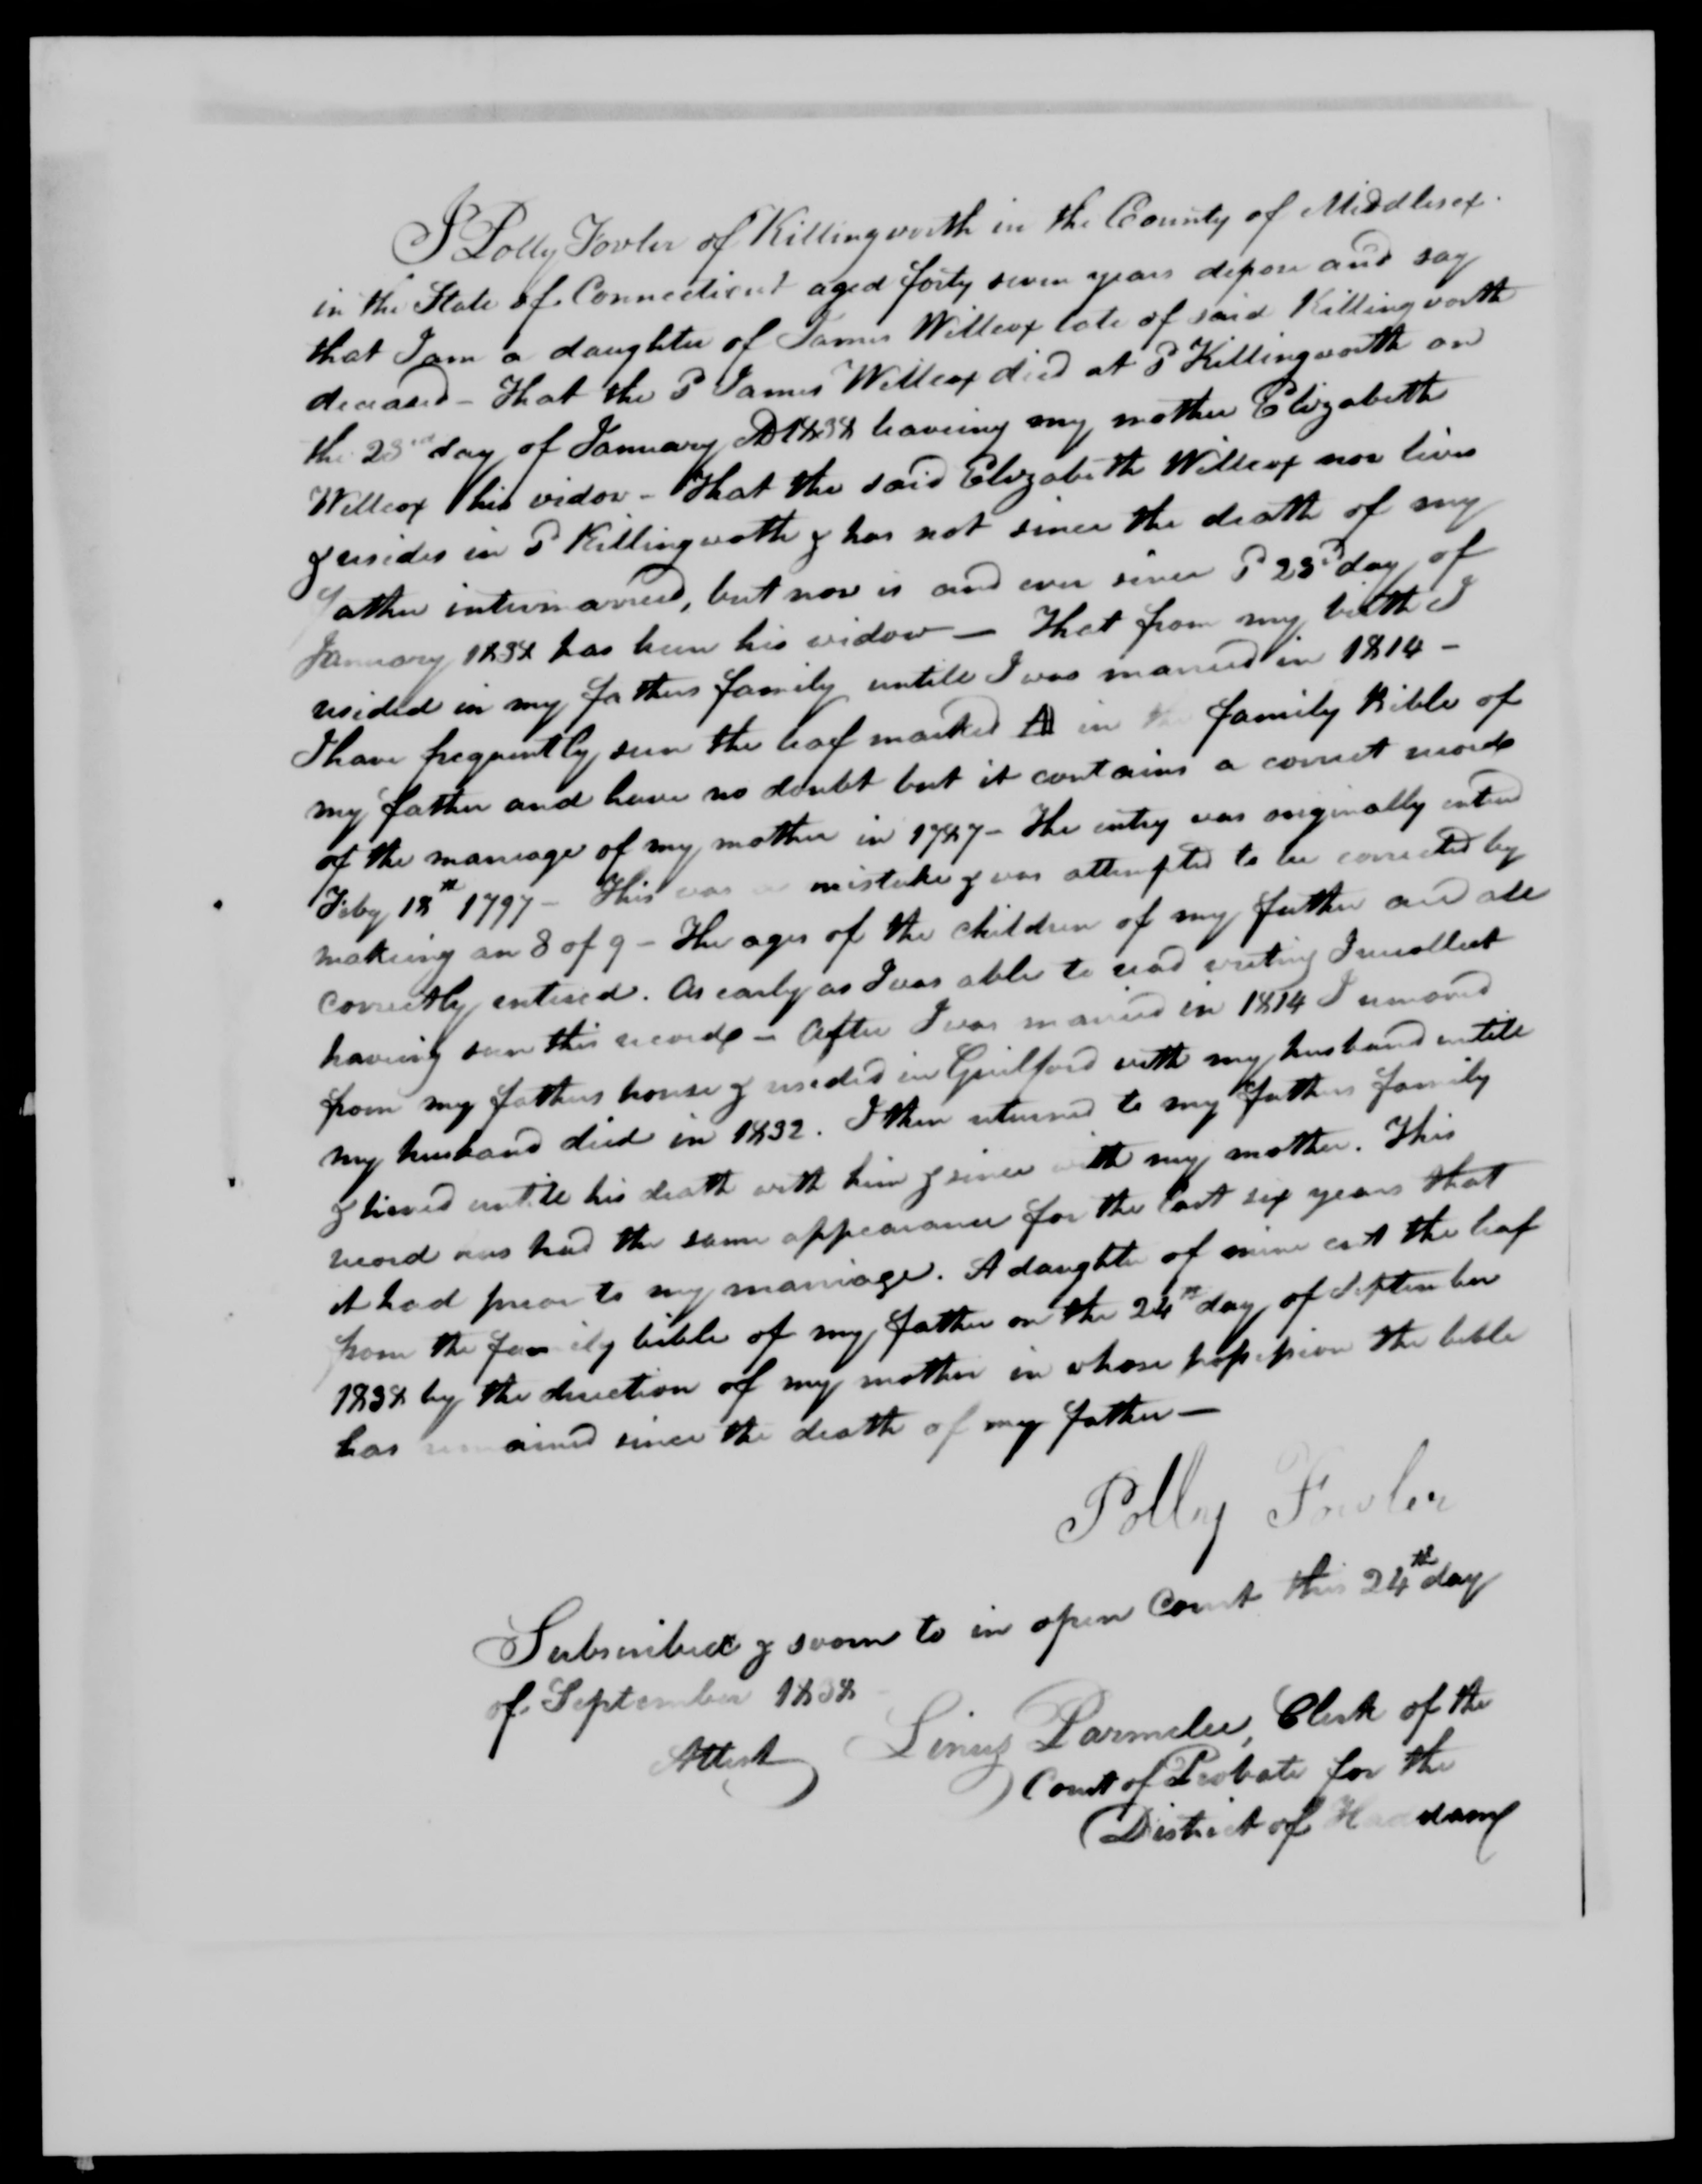I Polly Fouler of Killingwoth in the County of Middlesex in the State of Connecticut aged forty seven years depose and say that I am a daughter of James Willcox late of said Killingworth deceased—That the sd James Willcox died at sd Killingworth on the 25th day of January AD 1838 leaving my mother Elizabeth Willcox his widow—That the said Elizabeth Willcox now lives & resides in sd Killingworth & has not since the death of my father [intion] married, but now is and ever since sd 23d day of January 1834 has been his widow—That from my birth I resided in my fathers family until I was married in 1814–I have frequently seen the leaf marked A in the family Bible of my father and have no doubt but it contains a correct record of the marriage of my mother in 1787–The entry was originally writen Feby 18th 1797–This was a mistake & was attempted to be corrected by making an 8 of 9–The ages of the children of my father are [ade] correctly entered. As early as I was able to read writing I recollect having seen this record—After I was married in 1814 I moved from my fathers house & resided in Guilford with my husband untile my husband died in 1832.  I then returned to my fathers family & heard untile his death with him & since with my mother. This record has had the same appearance for the last six years that I had prior to my marriage. A daughter of mine cut the leaf from the family bible of my father on the 24th day of September 1838 by the direction of my mother in whose possession the bible has remained since the death of my father—
Polly Fowler
Subscribed & sworn to in open court this 24th day of September 1838
Attest Linus Parmelee, Clerk of the Court of Probate for the District of Haddam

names: Linus Parmelee, James Willcox, Polly Fowler, Elizabeth Willcox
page: 10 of 46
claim: widow's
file: W. 18,417, James Willcox, Conn.